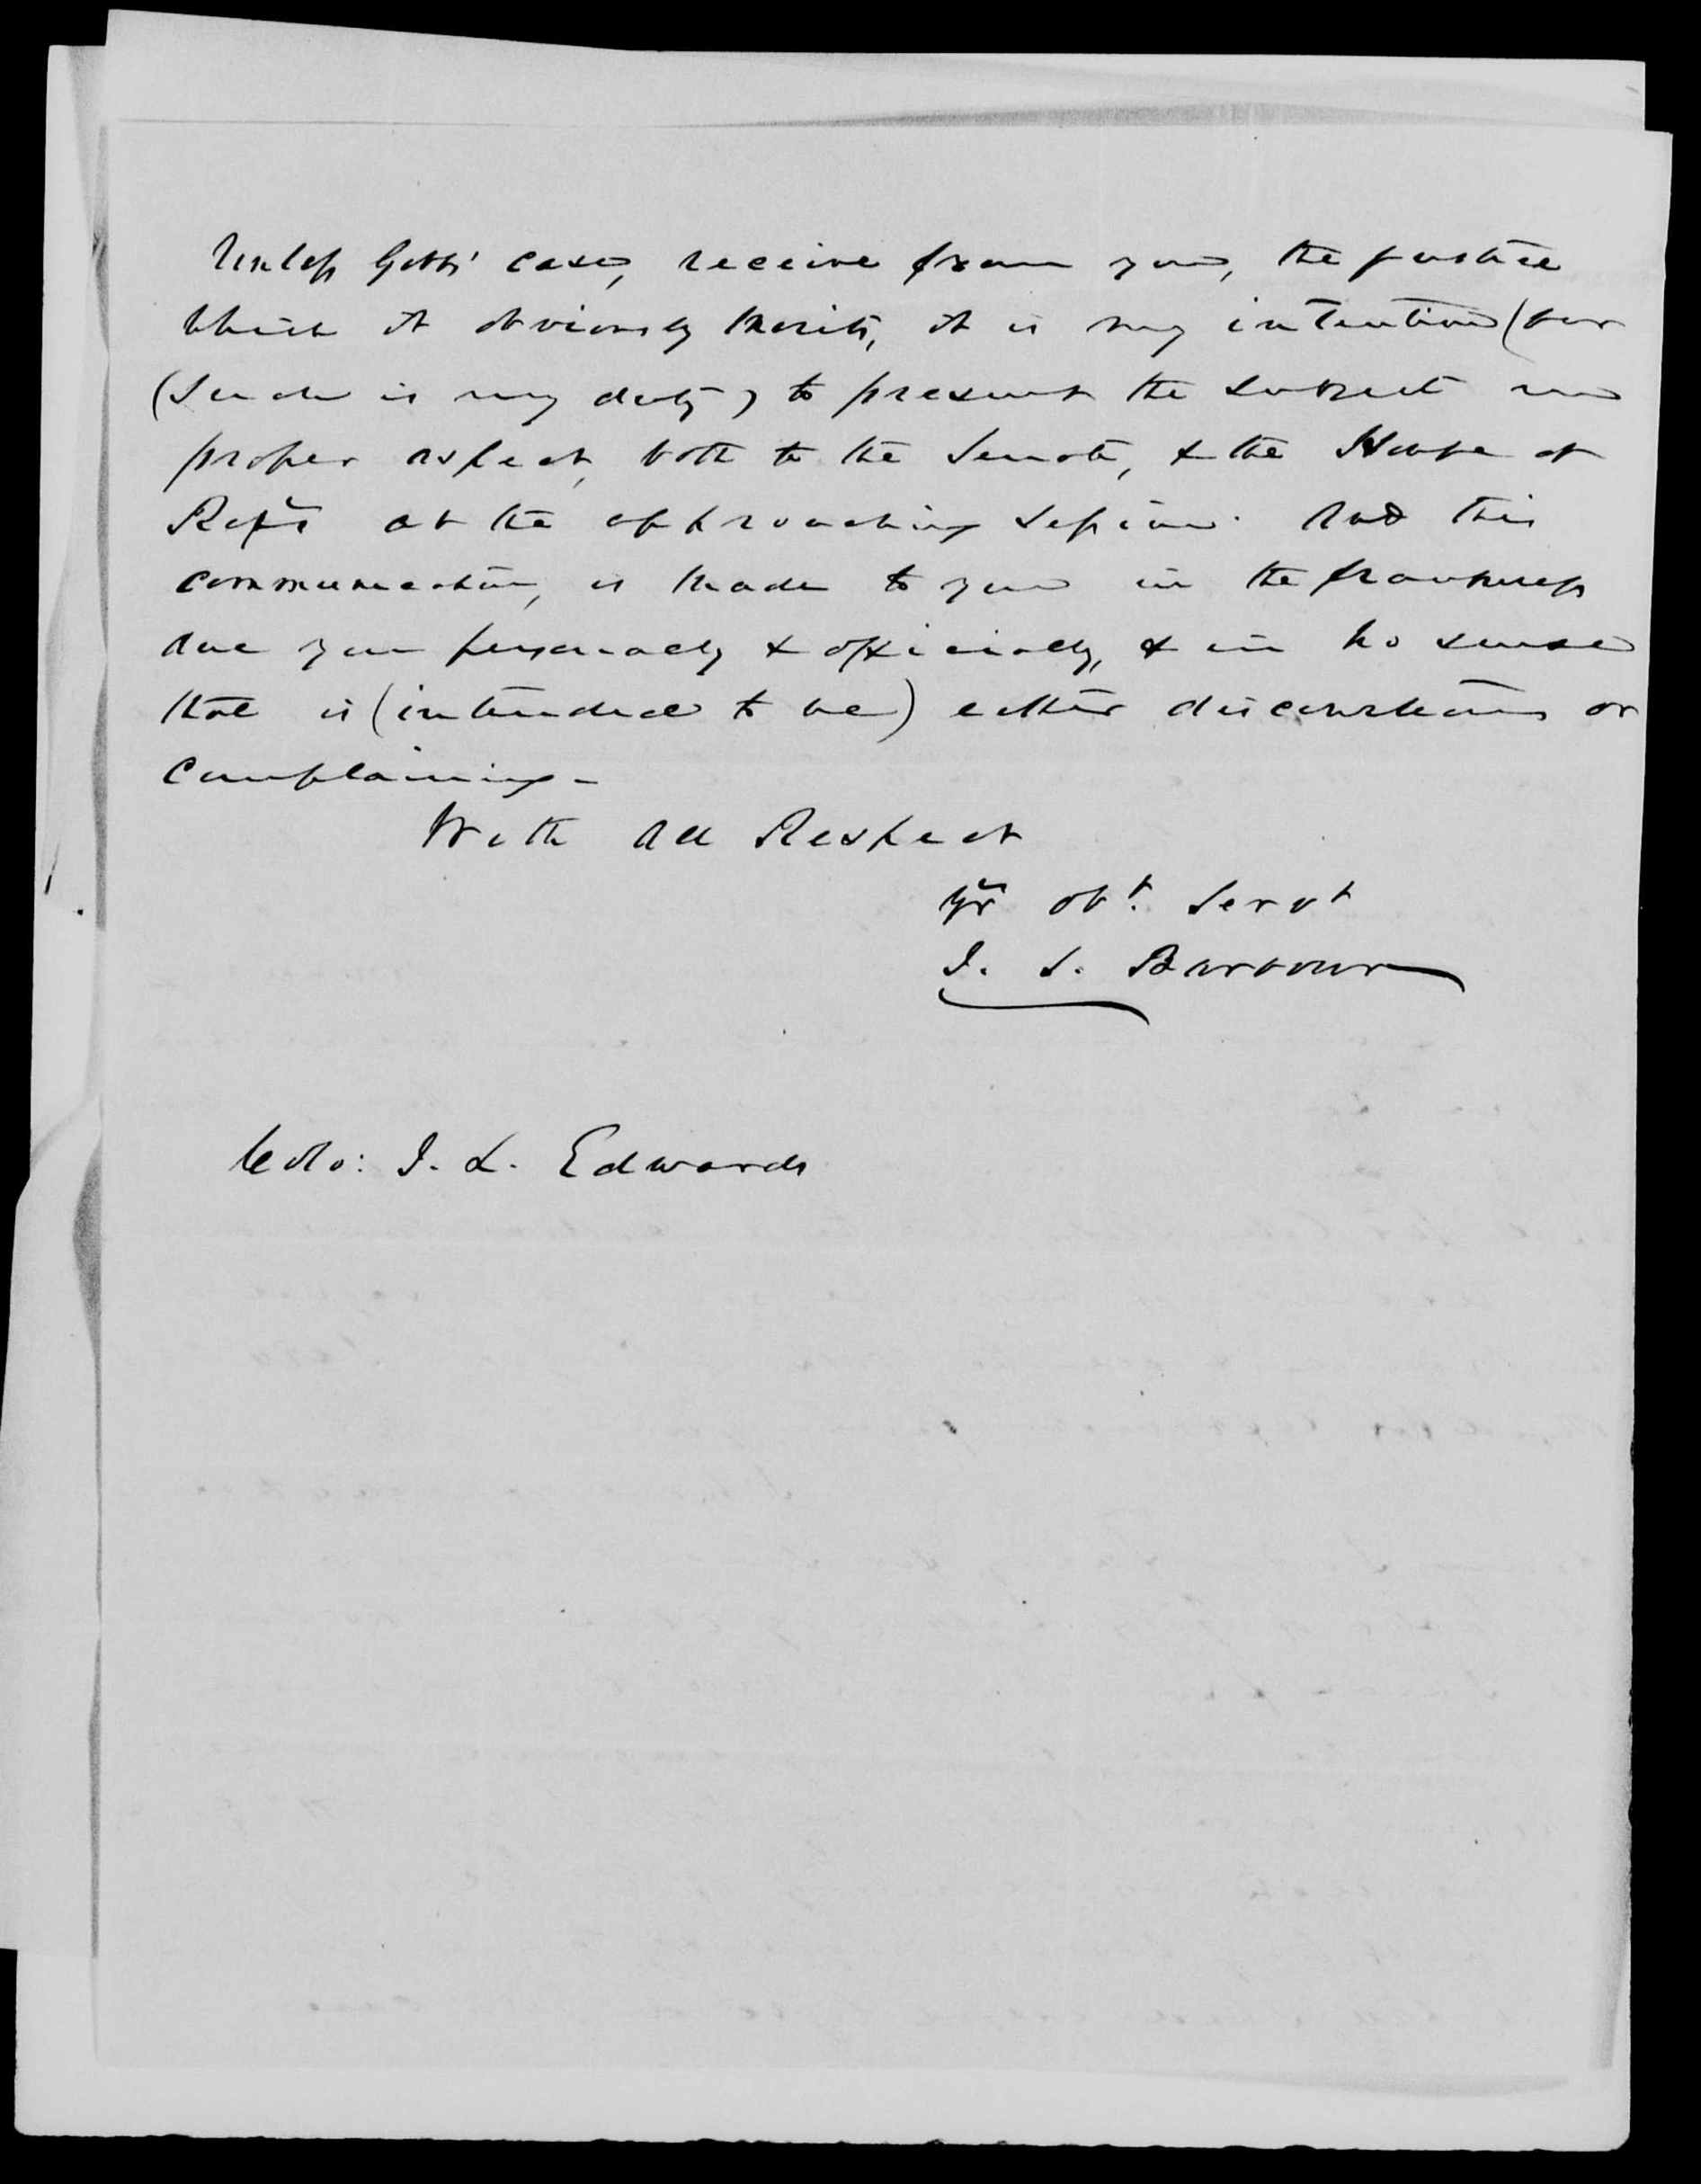Unless Gibbs' case receive from you, the Justice
which it obviously merits, it is my intention (for
such is my duty) to present the subject in
proper respect both to the Senate & the House of Reps [Representatives] at the approaching sepio [session]. and this communication is made to you in the frankness due you personally & officially & in no sense that is (intended to be) either discourteous or complaining
With all respect
Yr [Your] Obt [Obedient]  Servt [Servant]
J. S. Barbour


[Illegible]:  J. L. Edwards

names: Gibb, J S Barbour, J L Edwards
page: 42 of 61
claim: survivor's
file: S. 8236, Daniel Cole, Va.